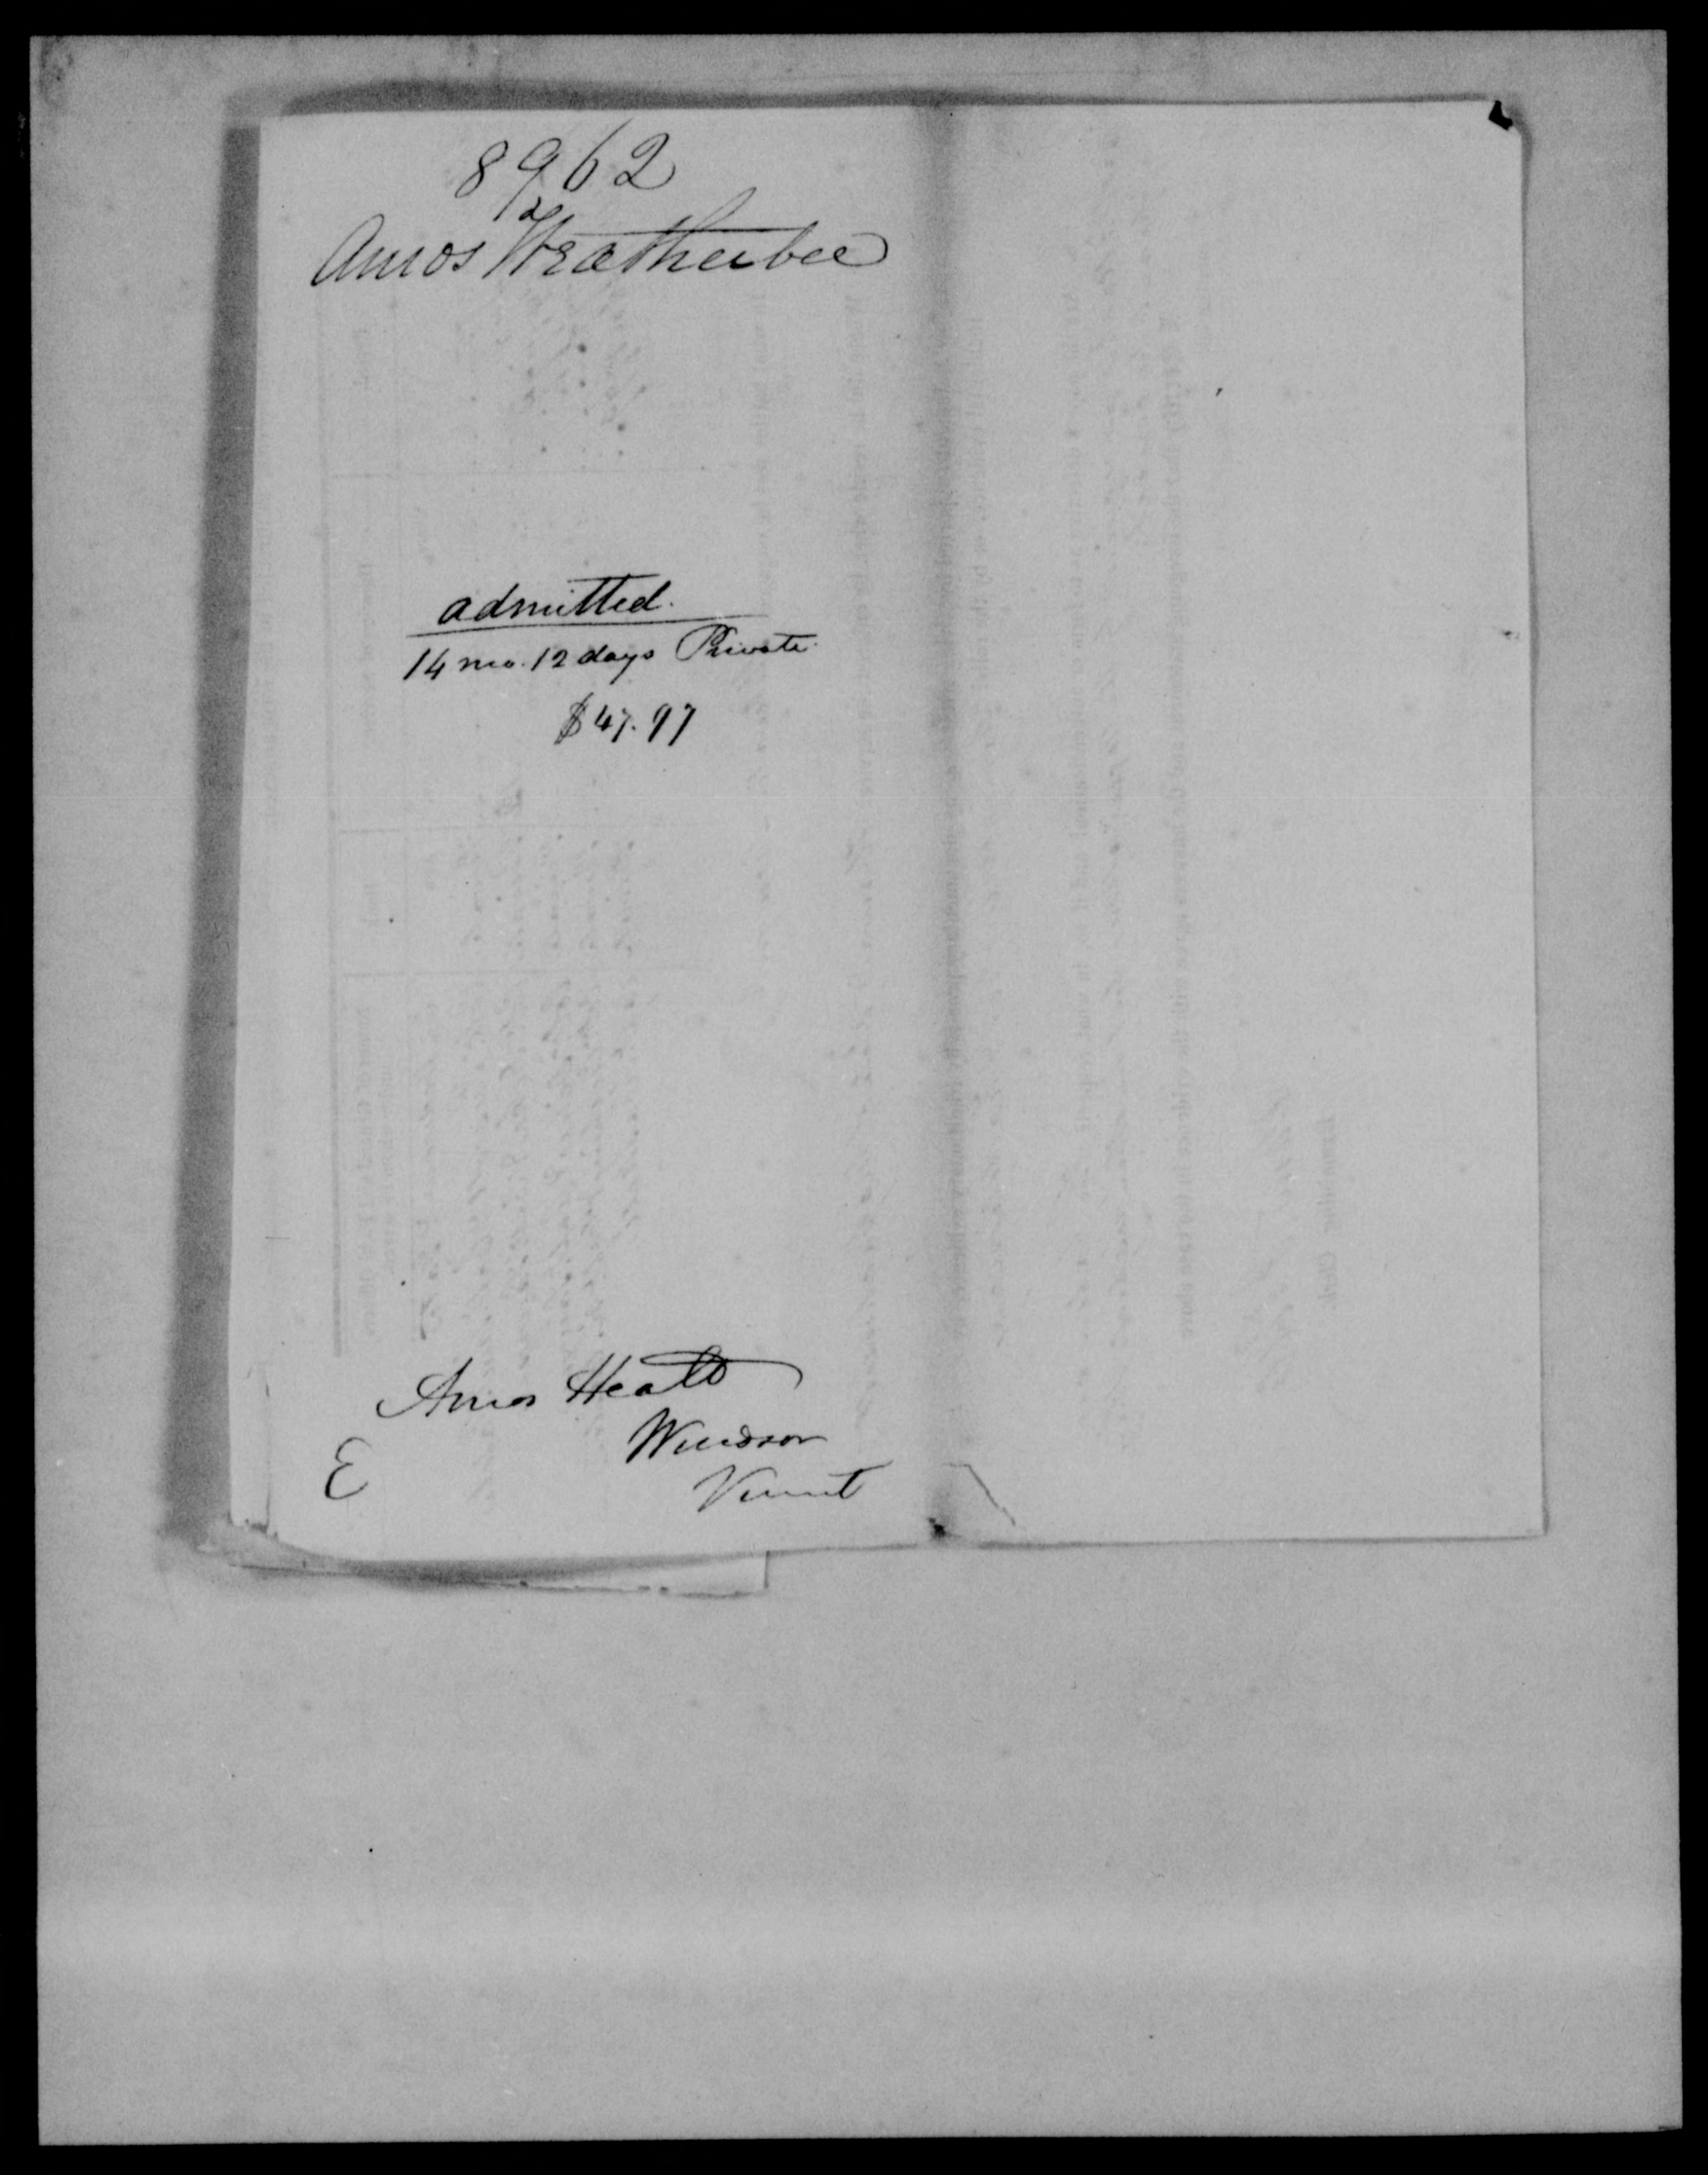8962
Amos Wetherbee



admitted
14 mo 12 days private
$47.97







Windsor
Vermont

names: Amos Heald, Amos Weatherbee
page: 20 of 66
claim: widow's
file: W. 2468, Amos Wetherbee, Mass.